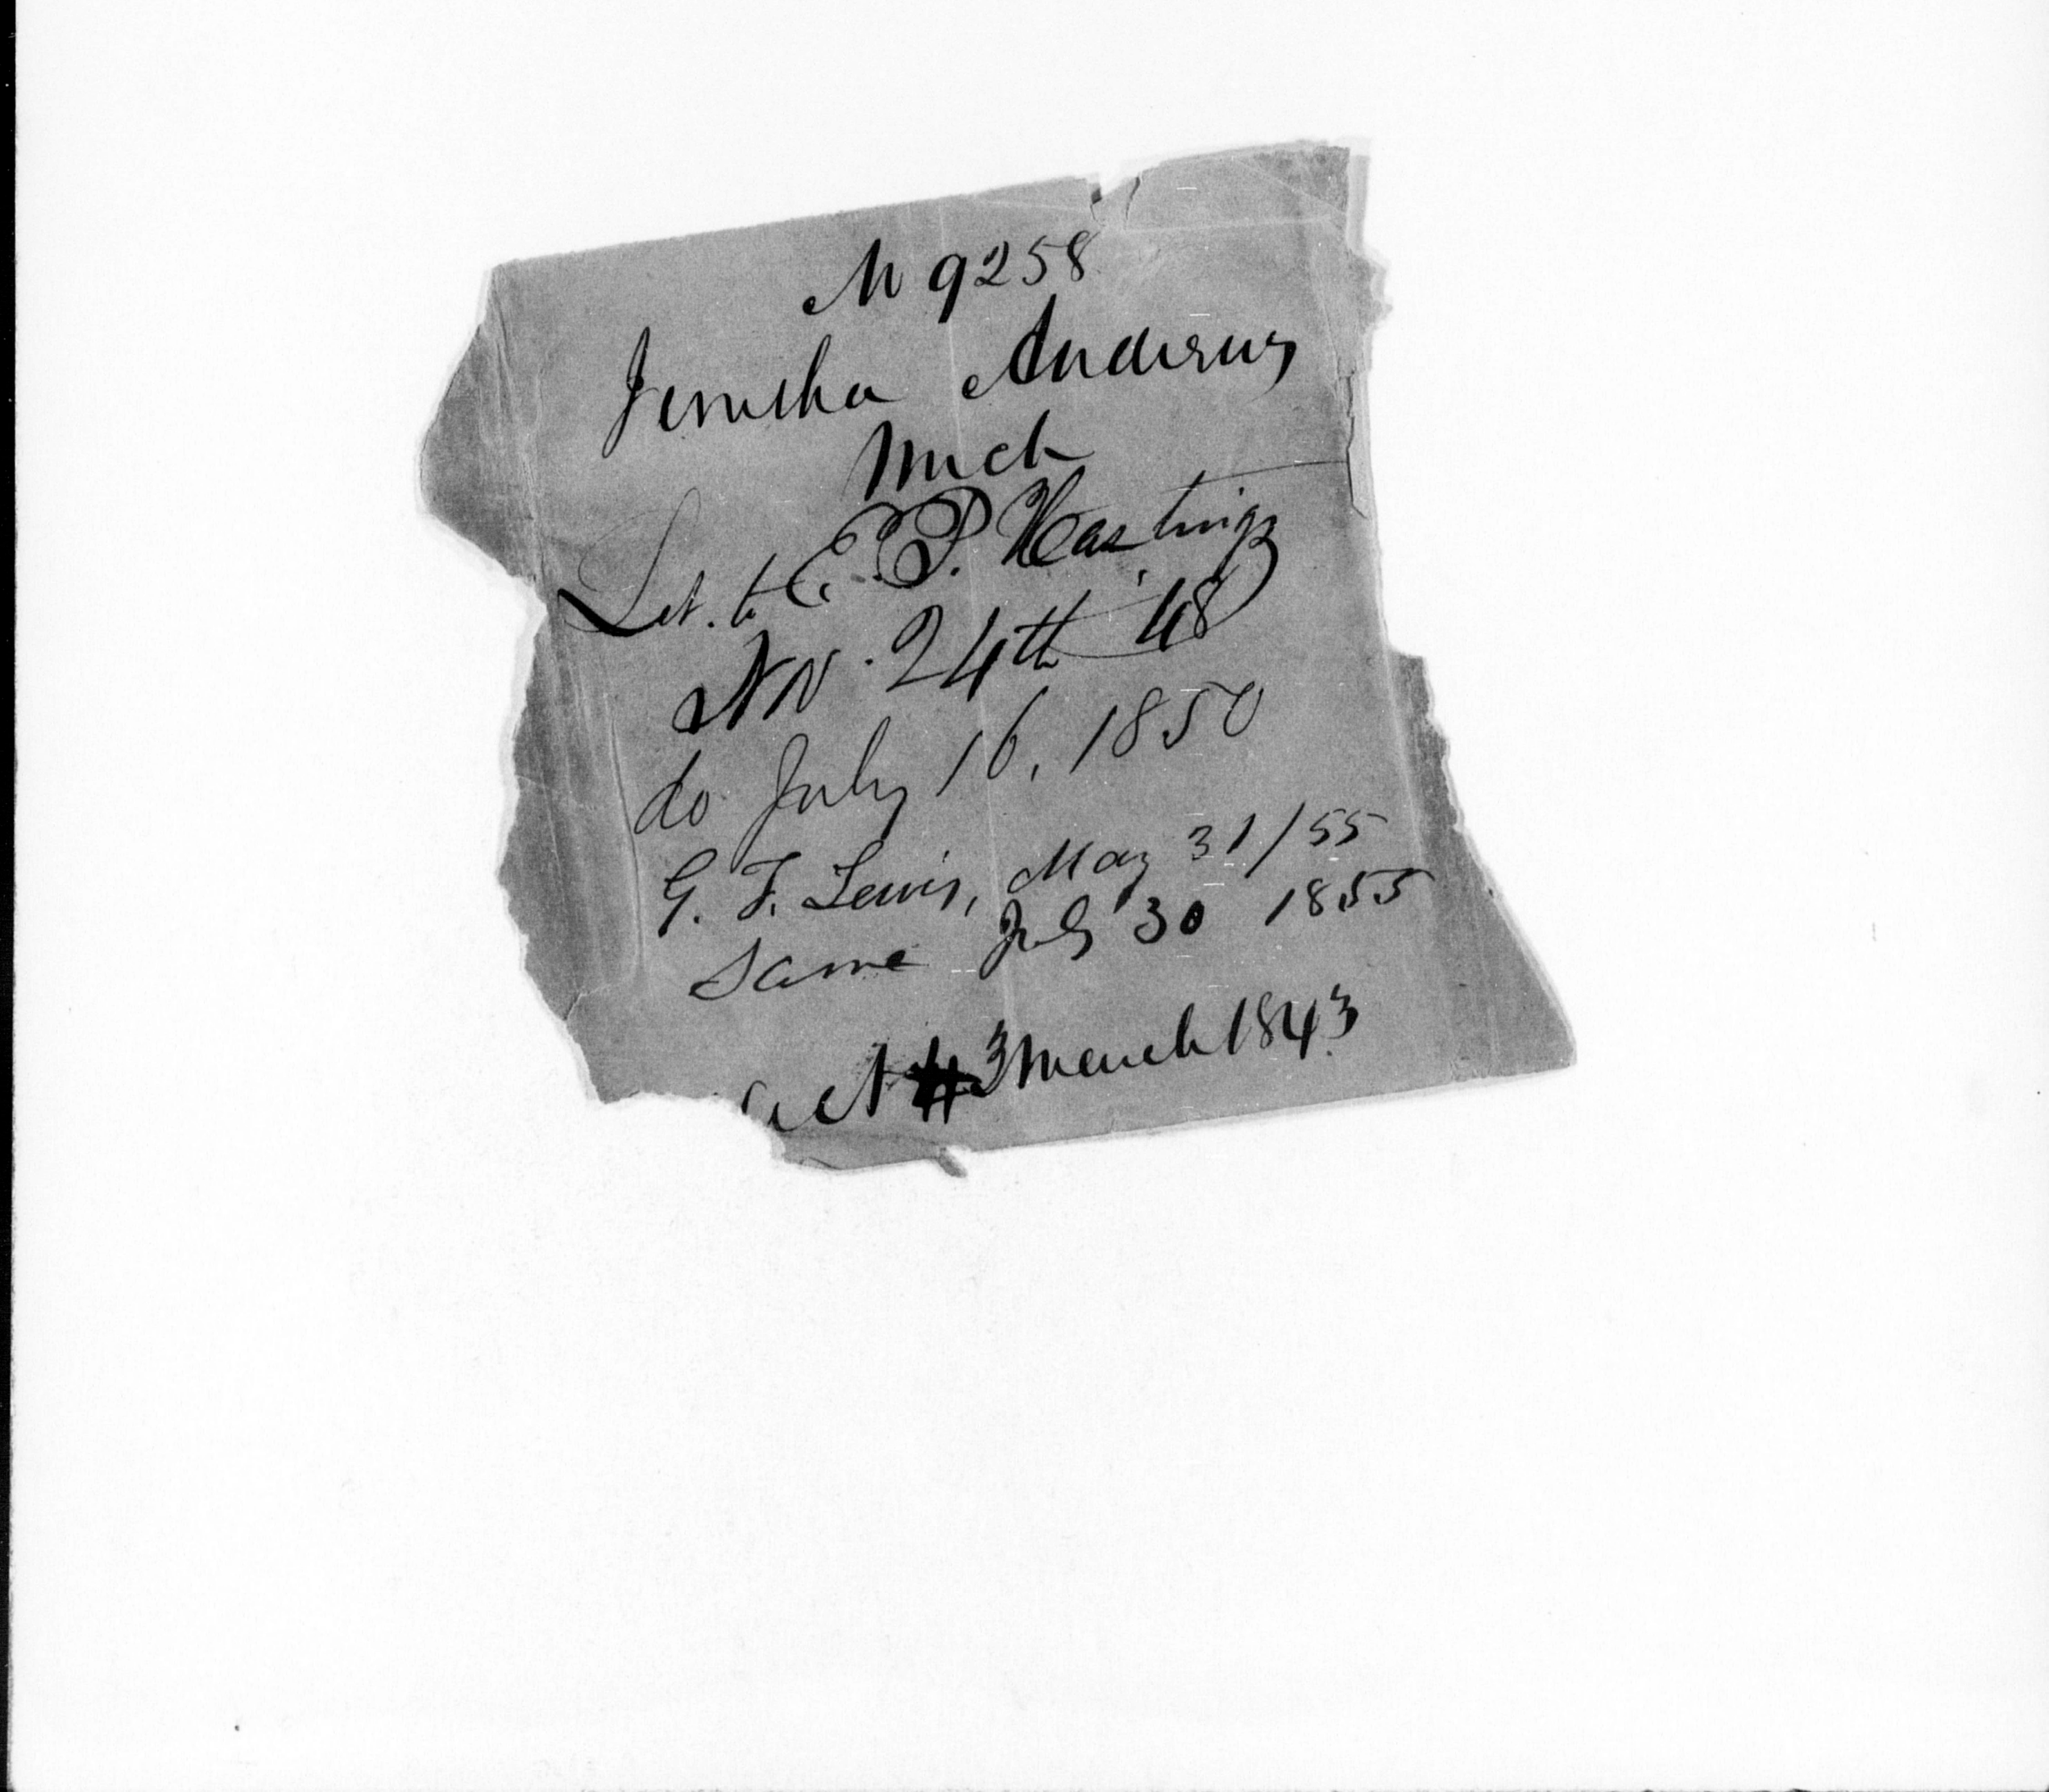M 9258
Jerusha Andrews
Mich
Lit. to E. P. Hastings
apr 24th 48
do July 16, 1850
G. F. Lewis May 31/55
Same Jul 30 1855
Act 3 March 1843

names: Jerusha Andrews, E P Hastings, G F Lewis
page: 25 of 78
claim: widow's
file: W. 4117, Nathaniel Bradley, Conn.